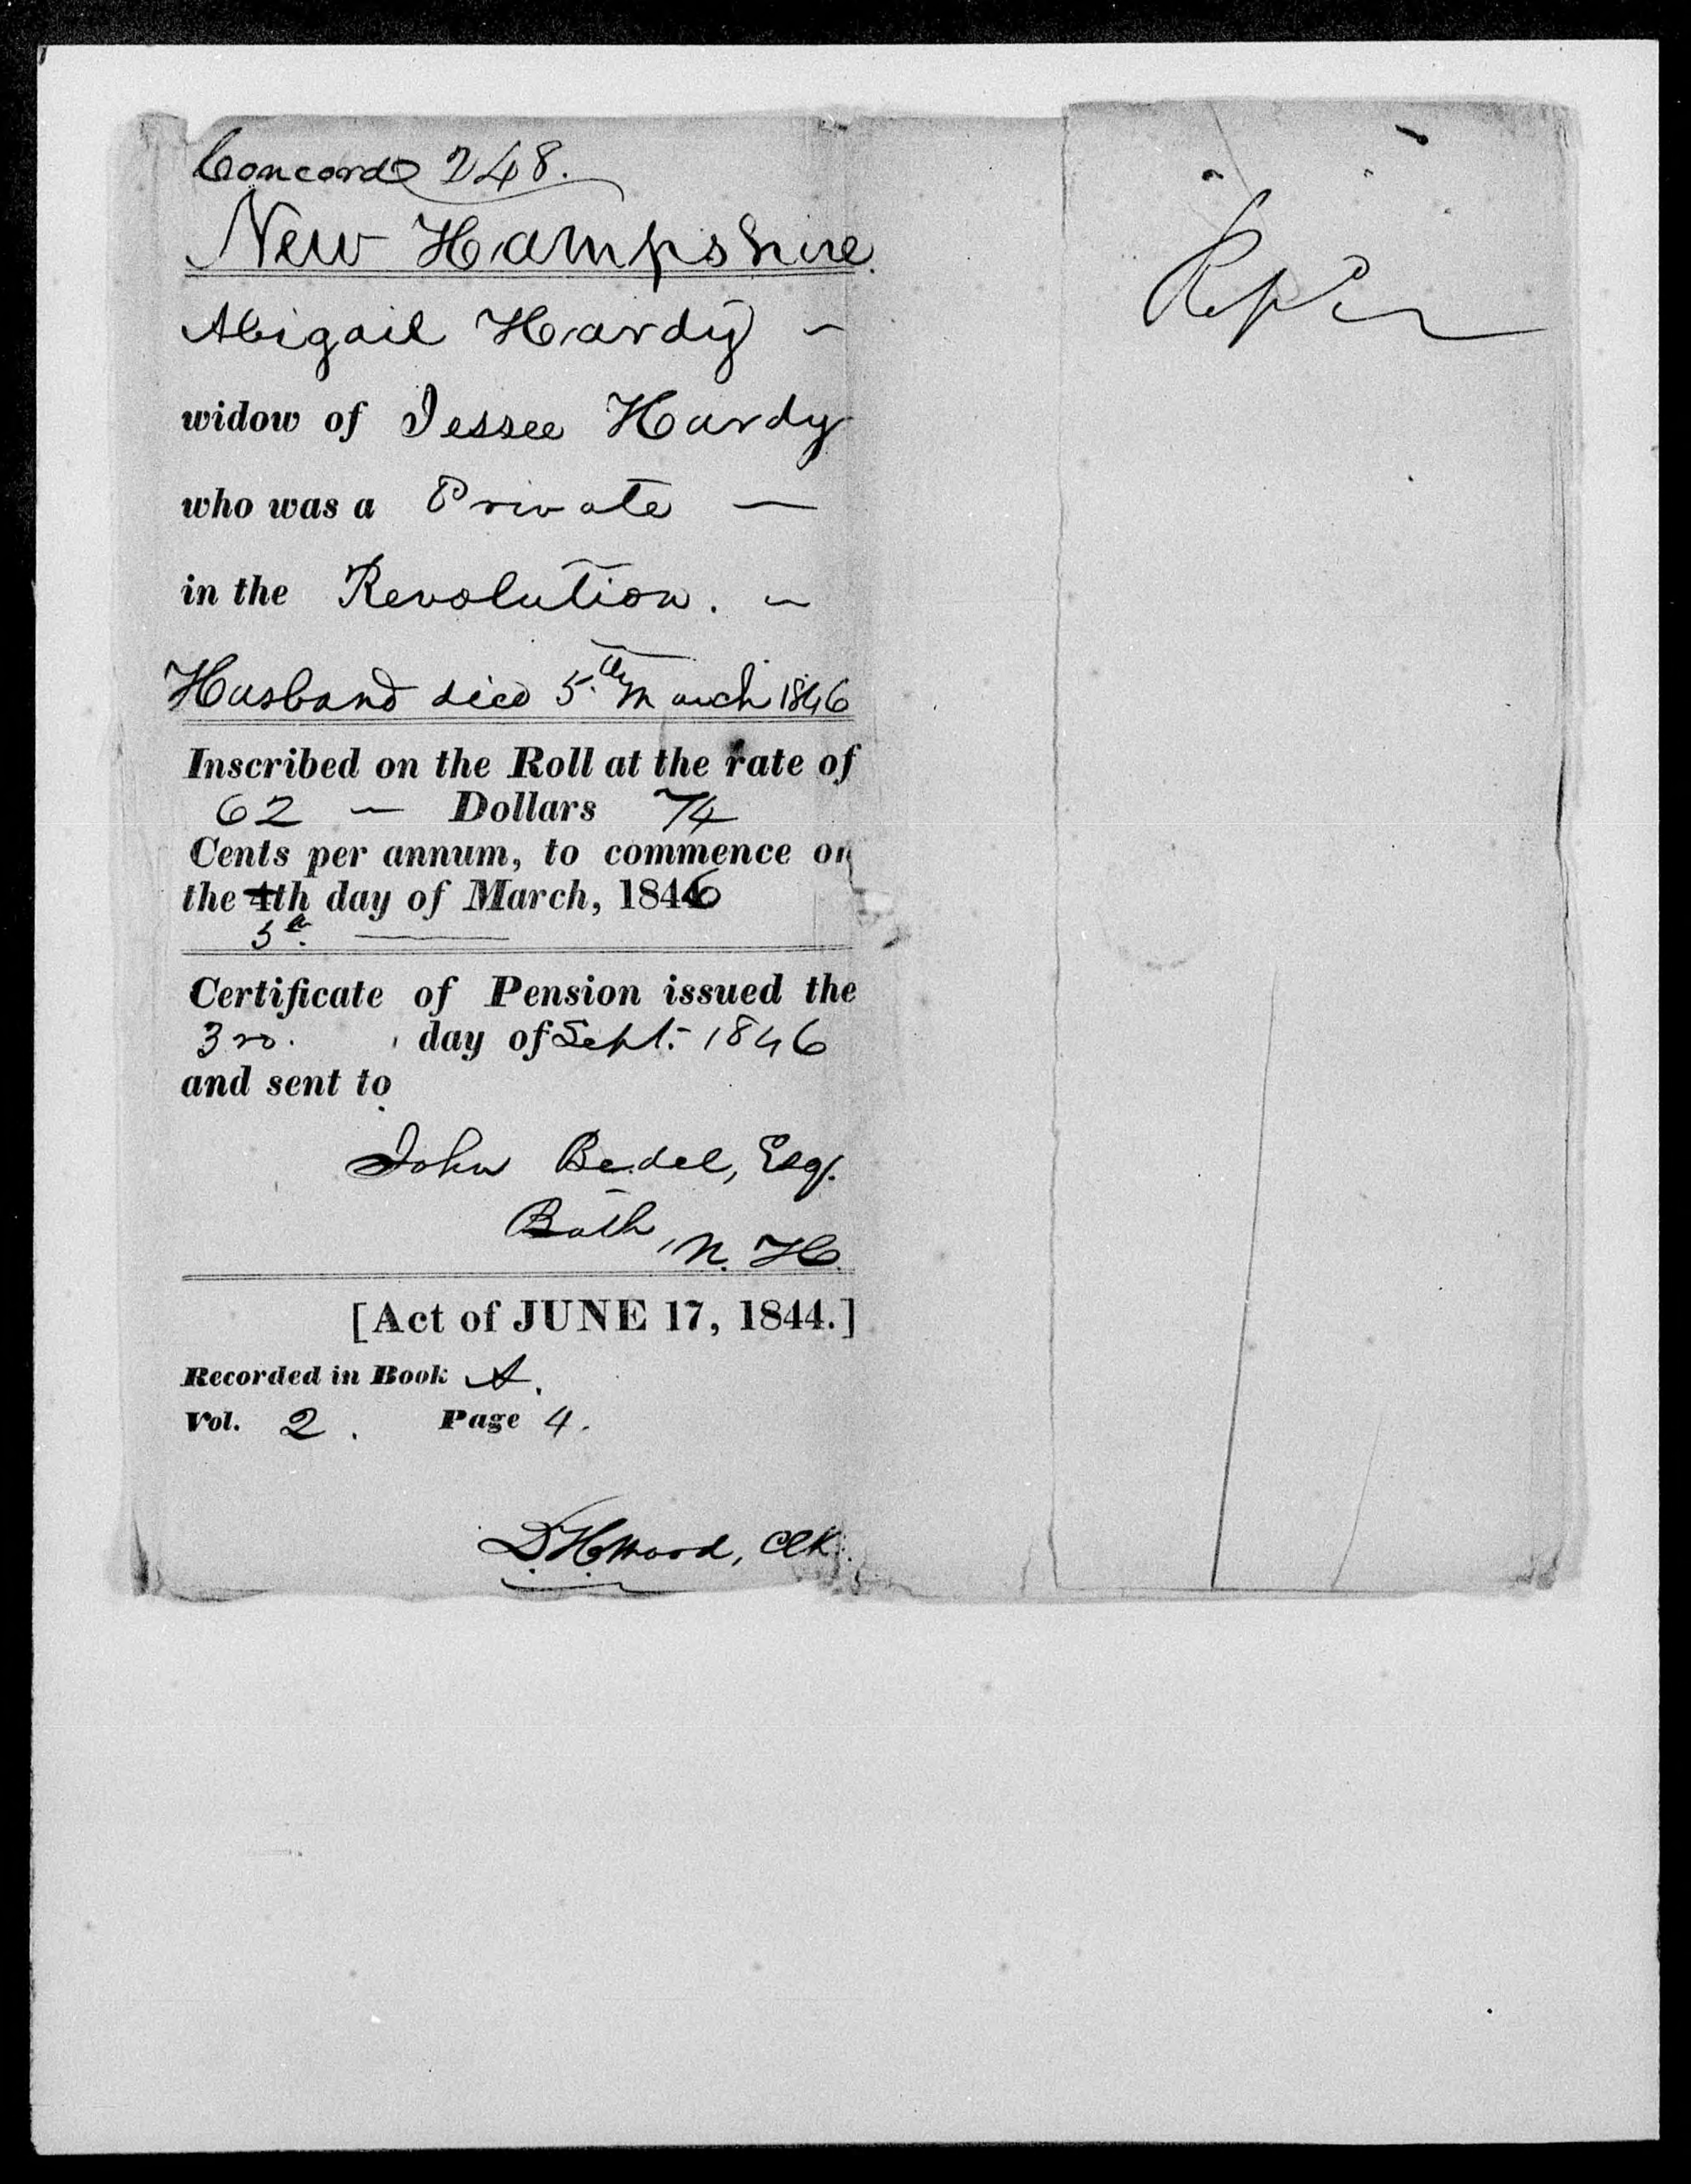Concord 248. New Hampshire Abigail Hardy widow of Jessee Hardy who was a Private in the Revolution Husband died 5th March 1846 Inscribed on the Roll at the rate of 62 Dollars 74 Cents per annum, to commence the [crossed out: 4th] 5th day of March, 1844 Certificate of Pension issued the 3rd. day of Sept 1846 and sent to John Bedel, Esq. Bath N H Act of JUNE 17, 1844. 
Recorded in Book A Vol. 2 Page 4. D H Wood, Clk Repe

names: Abigail Hardy, Jessee Hardy, John Bedel, D H Wood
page: 35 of 67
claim: widow's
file: W. 23183, Jesse Hardy, Mass.